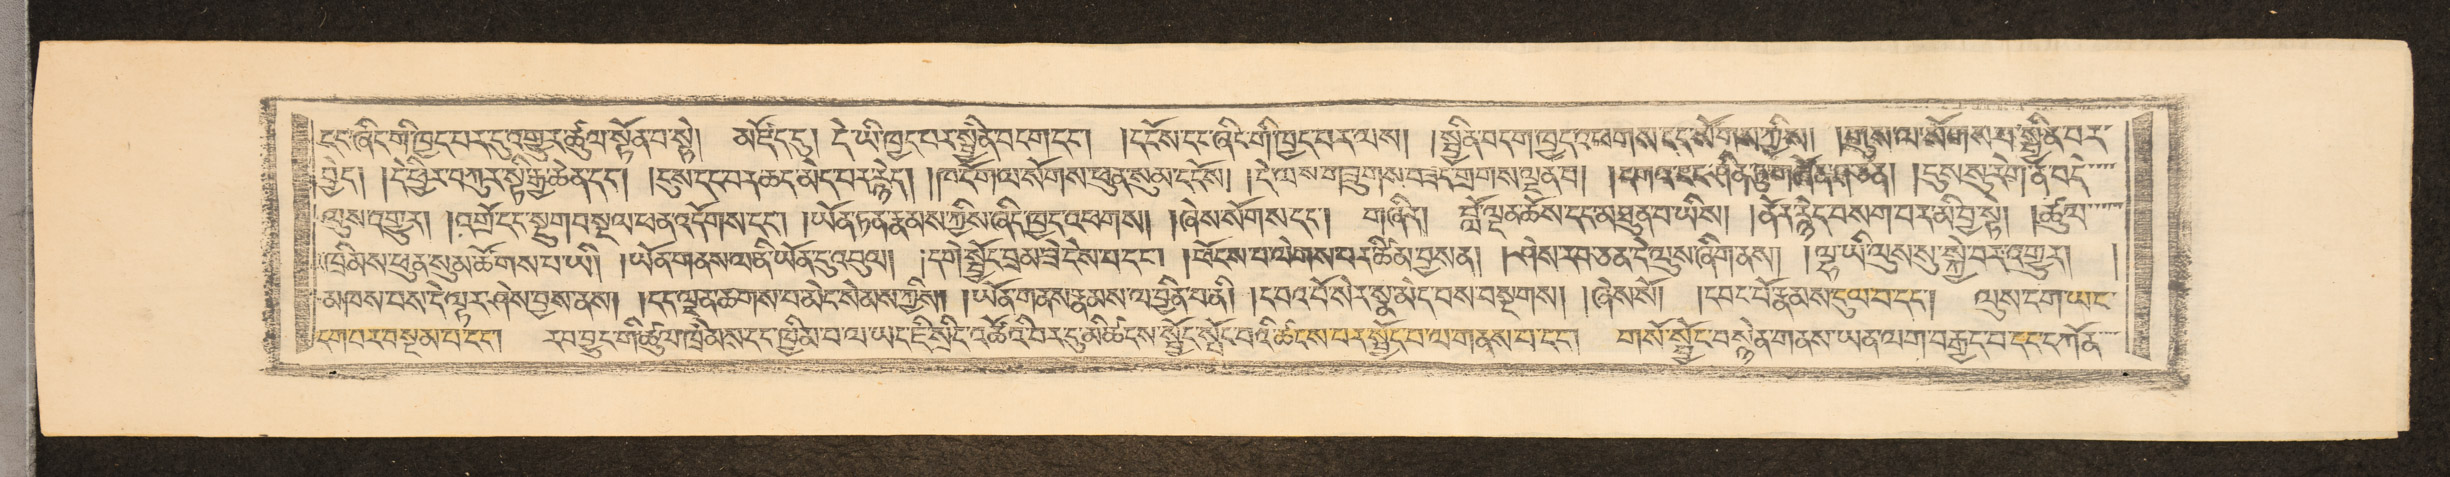དང་ཞིང་གི་ཁྱད་པར་དུ་འགྱུར་ཚུལ་སྟོན་པ་སྟེ། མཛོད་དུ། དེ་ཡི་ཁྱད་པར་སྦྱིན་བདག་དང་། །དངོས་དང་ཞིང་གི་ཁྱད་པར་ལས། །སྦྱིན་བདག་ཁྱད་འཕགས་དད་སོགས་ཀྱིས། །གུས་ལ་སོགས་པ་སྦྱིན་པར་
བྱེད། །དེ་ཕྱིར་བཀུར་སྟི་རྒྱ་ཆེན་དང་། །དུས་དང་བར་ཆད་མེད་པར་རྙེད། །ཁ་དོག་ལ་སོགས་ཕུན་སུམ་དངོས། །དེ་ལས་གཟུགས་བཟང་གྲགས་ལྡན་པ། །དགའ་དང་ཤིན་ཏུ་གཞོན་ཤ་ཅན། །དུས་སུ་རེག་ན་བདེ་
ལུས་འགྱུར། །འགྲོ་དང་སྡུག་བསྔལ་ཕན་འདོགས་དང་། །ཡོན་ཏན་རྣམས་ཀྱིས་ཞིང་ཁྱད་འཕགས། །ཞེས་སོགས་དང་། གཞིར། བློ་ལྡན་ཆོས་དང་མཐུན་པ་ཡིས། །ནོར་རྙེད་བསག་པར་མི་བྱ་སྟེ། །ཚུལ་
ཁྲིམས་ཕུན་སུམ་ཚོགས་པ་ཡི། །ཡོན་གནས་ལ་ནི་ཡོན་དུ་འབུལ། །དགེ་སྦྱོང་བྲམ་ཟེ་ངེས་པ་དང་། །ཕོངས་པ་ལེགས་པར་ཚིམ་བྱས་ན། །ཤེས་རབ་ཅན་དེ་ལུས་ཞིག་ནས། །ལྷ་ཡི་ལུས་སུ་སྐྱེ་བར་འགྱུར། །
མཁས་པས་དེ་ལྟར་ཤེས་བྱས་ནས། །དང་ལྡན་ཆགས་པ་མེད་སེམས་ཀྱིས། །ཡོན་གནས་རྣམས་ལ་བྱིན་པ་ནི། །དཔའ་བོ་སེར་སྣ་མེད་པས་བསྔགས། །ཞེས་སོ། །དབང་པོ་རྣམས་དུལ་བ་དང་། ལུས་ངག་ཡང་
དག་པར་བསྡམ་པ་དང་། རབ་བྱུང་གི་ཚུལ་ཁྲིམས་དང་ཁྱིམ་པ་ལ་ཡང་ཇི་སྲིད་འཚོའི་བར་དུ་མི་ཚངས་སྤྱོད་སྤོང་བའི་ཚངས་པར་སྤྱོད་པ་ལ་གནས་པ་དང་། གསོ་སྦྱོང་བསྙེན་གནས་ཡན་ལག་བརྒྱད་པ་དང་དཀོན་